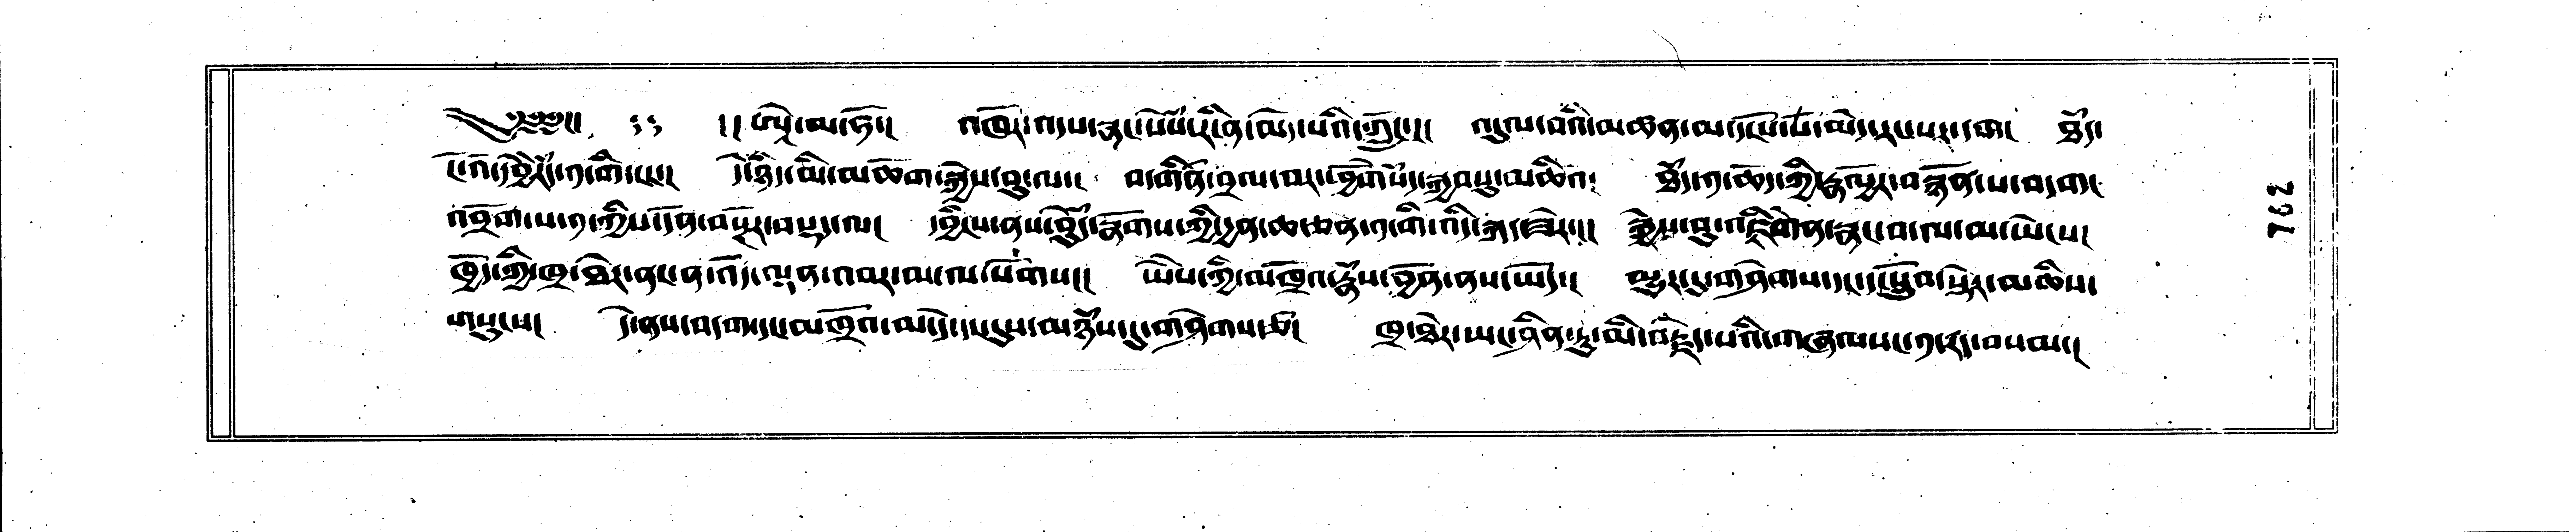ཨེ་མ་ཧོ། འཁོར་འདས་སྣང་སེམས་རང་བཞིན་མེད་པའི་ཀློང་། །འདུལ་བའི་‘བྱས’མཚན་མ་དངོས་མེད་རང་སར་དག །ཐམས་ཅད་
ངོའོ་དབྱེར་མེད་གཅིག་གི་ངང་། །དེ་ཉིད་‘དོན་རྟོགས་’མི་མཆོག་སྐྱེས་བུ་ལ། །བདག་འཛིན་བྲལ་བར་ཕྱོགས་མེད་སྐྱབས་སུ་མཆིའོ། །ཐམས་ཅད་གཅིག་ཆོད་ཀྱི་རྣལ་འབྱོར་བསྙོན་པ་བདག 
འབྲོག་པ་གཅིག་གི་དོན་བསྔོར་བསྡད་༼པ༽ལ། དབྱིངས་ནས་བུད་མེད་སྣ་ཚོགས་ཀྱི་རྒྱན་ཆ་ཅན་ཞིག་གིས་འདི་སྐད་ཟེར། སྐྱེས་བུ་འཇིག་རྟེན་སྣང་བ་ལ་མ་ཡེངས། 
ཁྱེད་ཀྱི་ཁྲ་ཐེར་ནང་ན་འོད་ལྡན་འབར་མ་ལ་སོགས། ཡེ་ཤེས་ཀྱི་མཁའ་འགྲོ་རྣམས་བྱོན་ནས་ཡོད། མྱུར་དུ་གཤེགས་དང་དངོས་གྲུབ་སྟེར་མཆིས་
གསུངས། དེ་ནས་བདག་དང་མཁའ་འགྲོ་མ་དེ་དང་དུས་མཉམ་དུ་གཤེགས་ཙ། ཁྲ་ཐེར་ཡང་ཤིན་ཏུ་མི་བརྗེད་པའི་གཞལ་ཡས་ཁང་ཅིག་རེད་བསམ།